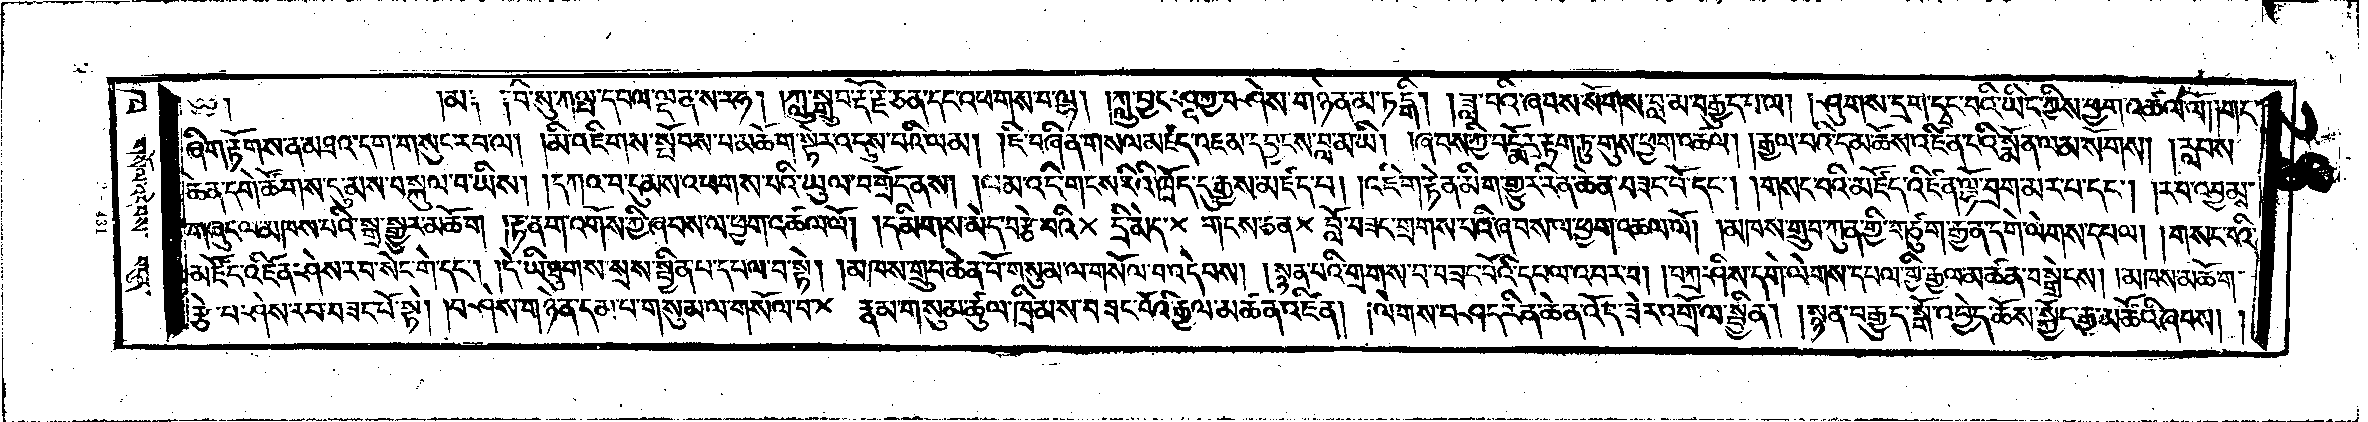༄༅། །མ༑ ༑བི་སུ་ཀལྤ་དཔལ་ལྡན་ས་ར་ཧ། །ཀླུ་སྒྲུབ་རྡོ་རྗེ་ཅན་དང་འཕགས་པ་ལྷ། །ཀླུ་བྱང་ཤཱཀྱ་བཤེས་གཉེན་མ་ཏངྒི། །ཟླ་བའི་ཞབས་སོགས་བླ་མ་བརྒྱུད་པ་ལ། །ཤུགས་དྲག་དྭང་བའི་ཡིད་ཀྱིས་ཕྱག་འཚལ་ལོ། །གང་
ཞིག་རྟོགས་ན་མཐའ་དག་གསུང་རབ་ལ། །མི་འཇིགས་སྤོབས་པ་མཆོག་སྟེར་འདུས་པའི་ལམ། །ཇི་བཞིན་གསལ་མཛད་འཇམ་དབྱངས་བླ་མ་ཡི། །ཞབས་ཀྱི་པདམོར་རྟག་ཏུ་གུས་ཕྱག་འཚལ། །རྒྱལ་བའི་དམ་ཆོས་འཛིན་པའི་སྨོན་ལམ་སོགས། །རླབས་
ཆེན་དགེ་ཚོགས་དུ་མས་བསྐུལ་བ་ཡིས། །དཀའ་བ་དུ་མས་འཕགས་པའི་ཡུལ་བགྲོད་ནས། །ལམ་འདི་གངས་རིའི་ཁྲོད་དུ་རྒྱས་མཛད་པ། །འཇིག་རྟེན་མིག་གྱུར་རིན་ཆེན་བཟང་པོ་དང་། །གསང་བའི་མཛོད་འཛིན་ལྷོ་བྲག་མར་པ་དང་། །རབ་འབྱམས་
གཞུང་ལ་མཁས་པའི་སྒྲ་སྒྱུར་མཆོག །རྟ་ནག་འགོས་ཀྱི་ཞབས་ལ་ཕྱག་འཚལ་ལོ། །དམིགས་མེད་བརྩེ་བའི་྾་དྲི་མེད་྾་གངས་ཅན་྾་བློ་བཟང་གྲགས་པའི་ཞབས་ལ་ཕྱག་འཚལ་ལོ། །མཁས་གྲུབ་ཀུན་གྱི་གཙུག་རྒྱན་དགེ་ལེགས་དཔལ། །གསང་བའི་
མཛོད་འཛིན་ཤེས་རབ་སེང་གེ་དང་། །དེ་ཡི་ཐུགས་སྲས་སྦྱིན་པ་དཔལ་བ་སྟེ། །མཁས་གྲུབ་ཆེན་པོ་གསུམ་ལ་གསོལ་བ་འདེབས། །སྙན་པའི་གྲགས་པ་བཟང་པོའི་དཔལ་འབར་བ། །བཀྲ་ཤིས་དགེ་ལེགས་དཔལ་གྱི་རྒྱལ་མཚན་བསྒྲེངས། །མཁས་མཆོག་
རྩེ་བ་ཤེས་རབ་བཟང་པོ་སྟེ། །བཤེས་གཉེན་དམ་པ་གསུམ་ལ་གསོལ་བ་྾་རྣམ་གསུམ་ཚུལ་ཁྲིམས་བཟང་པོའི་རྒྱལ་མཚན་འཛིན། །ལེགས་བཤད་རིན་ཆེན་འོད་ཟེར་འགྲོ་ལ་སྦྱིན། །སྙན་བརྒྱུད་སྒོ་འབྱེད་ཆོས་སྐྱོང་རྒྱ་མཚོའི་ཞབས། །